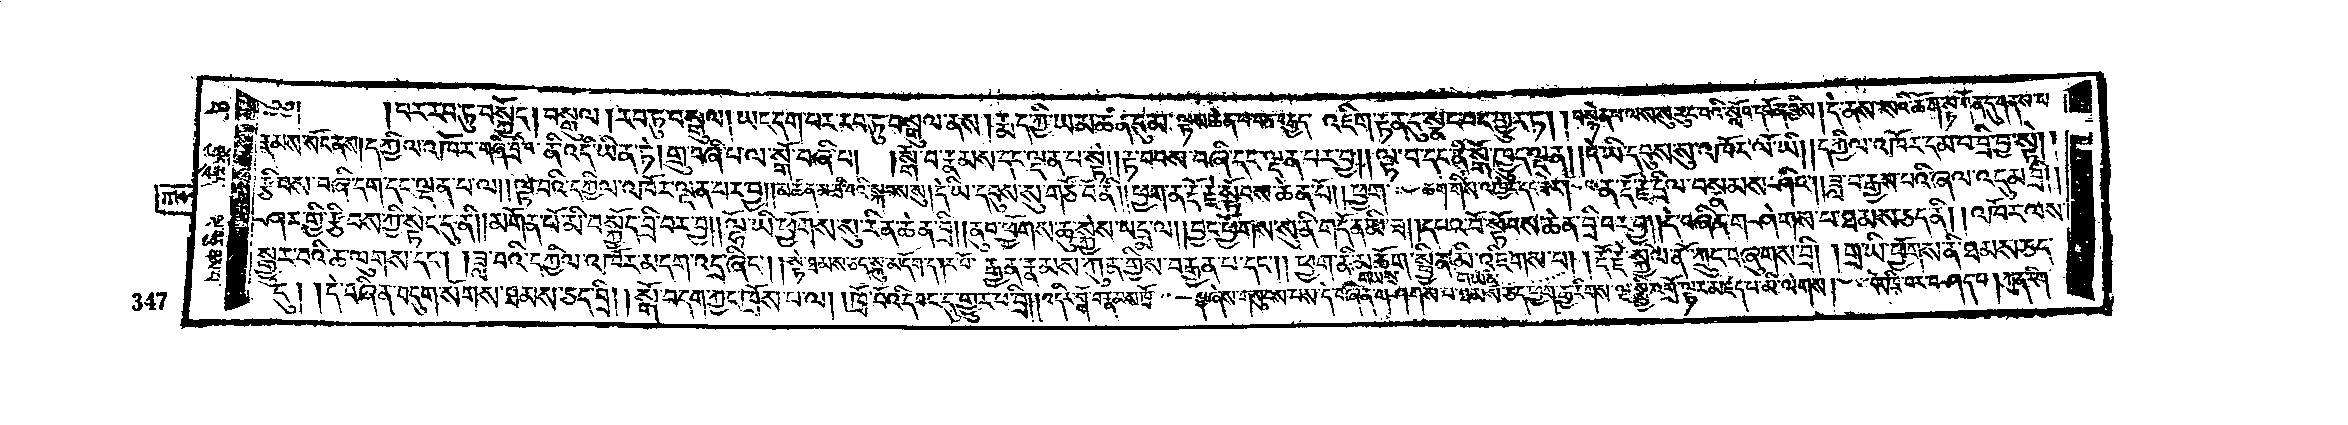༄༅། །པར་རབ་ཏུ་བསྐྱོད། བསྒུལ། རབ་ཏུ་བསྒུལ། ཡང་དག་པར་རབ་ཏུ་བསྒུལ་ནས། རྨད་ཀྱི་ཡ་མཚན་དུ་མ་ལྟས་ཆེན་པ་བཅོ་བརྒྱད་འཇིག་རྟེན་དུ་སྣང་བར་གྱུར་ཏེ། །བསྙེན་པ་ལས་སུ་རུང་བའི་སློབ་དཔོན་གྱིས། དེ་ནས་སའི་ཆོ་ག་སྟ་གོན་དུ་གནས་པ་
རྣམས་སོང་ནས། དཀྱིལ་འཁོར་གཞི་ཟི་བ་ནི་འདི་ཡིན་ཏེ། གྲུ་བཞི་པ་ལ་སྒོ་བཞི་པ། །སྒོ་བ་རྣམས་དང་ལྡན་པ་སྟེ། །རྟ་བབས་བཞི་དང་ལྡན་པར་བྱ། །ལྟ་བ་དང་ནི་སྒོ་ཁྱུད་ལྡན། །དེ་ཡི་དབུས་སུ་འཁོར་ལོ་ཡི། །དཀྱིལ་འཁོར་དམ་པ་བྲི་བྱ་སྟེ། །
རྩིབས་བཞི་དག་དང་ལྡན་པ་ལ། །ལྟེ་བའི་དཀྱིལ་འཁོར་ལྡན་པར་བྱ། །མཚན་མ་བྲི་བའི་སྐབས་སུ། དེ་ཡི་དབུས་སུ་གཙོ་བོ་ནི། །ཕྱག་ན་རྡོ་རྗེ་སྟོབས་ཆེན་པོ། །ཕྱག་H.ཆག་གིས་འཁྱིར་དང་ཟེར། .Hན་རྡོ་རྗེ་དྲིལ་བསྣམས་ཤིང་། །ཟླ་བ་རྒྱས་པའི་ཞལ་འདུམ་བྲི། །
ཤར་གྱི་རྩིབས་ཀྱི་སྟེང་དུ་ནི། །མགོན་པོ་མི་བསྐྱོད་བྲི་བར་བྱ། །ལྷོ་ཡི་ཕྱོགས་སུ་རིན་ཆེན་བྲི། །ནུབ་ཕྱོགས་ཆུ་སྐྱེས་པདམ་ལ། །བྱང་ཕྱོགས་སུ་ནི་གདོན་མི་ཟ། །དཔའ་བོ་སྟོབས་ཆེན་བྲི་བར་བྱ། །དེ་བཞིན་གཤེགས་པ་ཐམས་ཅད་ནི། །འཁོར་ལས་
སྒྱུར་བའི་ཆ་ལུགས་དང་། །ཟླ་བའི་དཀྱིལ་འཁོར་མདག་འདྲ་ཞིང་། །སྟེ་ཐམས་ཅད་སྐུ་མདོག་དཀར་པོ་རྒྱན་རྣམས་ཀུན་གྱིས་བརྒྱན་པ་དང་། །ཕྱག་ནི་གཡས་མཆོག་སྦྱིན་གཡོན་མི་འཇིགས་པ། །རྡོ་རྗེ་སྐྱིལ་མོ་ཀྲུང་བཞུགས་བྲི། །གྲ་ཡི་ཕྱོགས་ནི་ཐམས་ཅད་
དུ། །དེ་བཞིན་བདུག་སོགས་ཐམས་ཅད་བྲི། །སྒོ་བདག་ཀྱང་ཁྲོས་པ་ལ། །ཁྲོ་བོའི་དབང་དུ་གྱུར་པ་བྲི། །འདིར་སྒོ་བ་རྣམས་ཁྲོཿ་༈ ཞེས་གསུངས་པས་དེ་བཞིན་གཤེགས་པ་ཐམས་ཅད་ཕྱག་རྒྱ་རིགས་ལྔ་སྤྱི་འགྲོ་ལྟར་མཛད་པ་མི་ལེགས། .Hབོར་ཁྲི་བར་བཤད་པ། ཀུན་རིག་